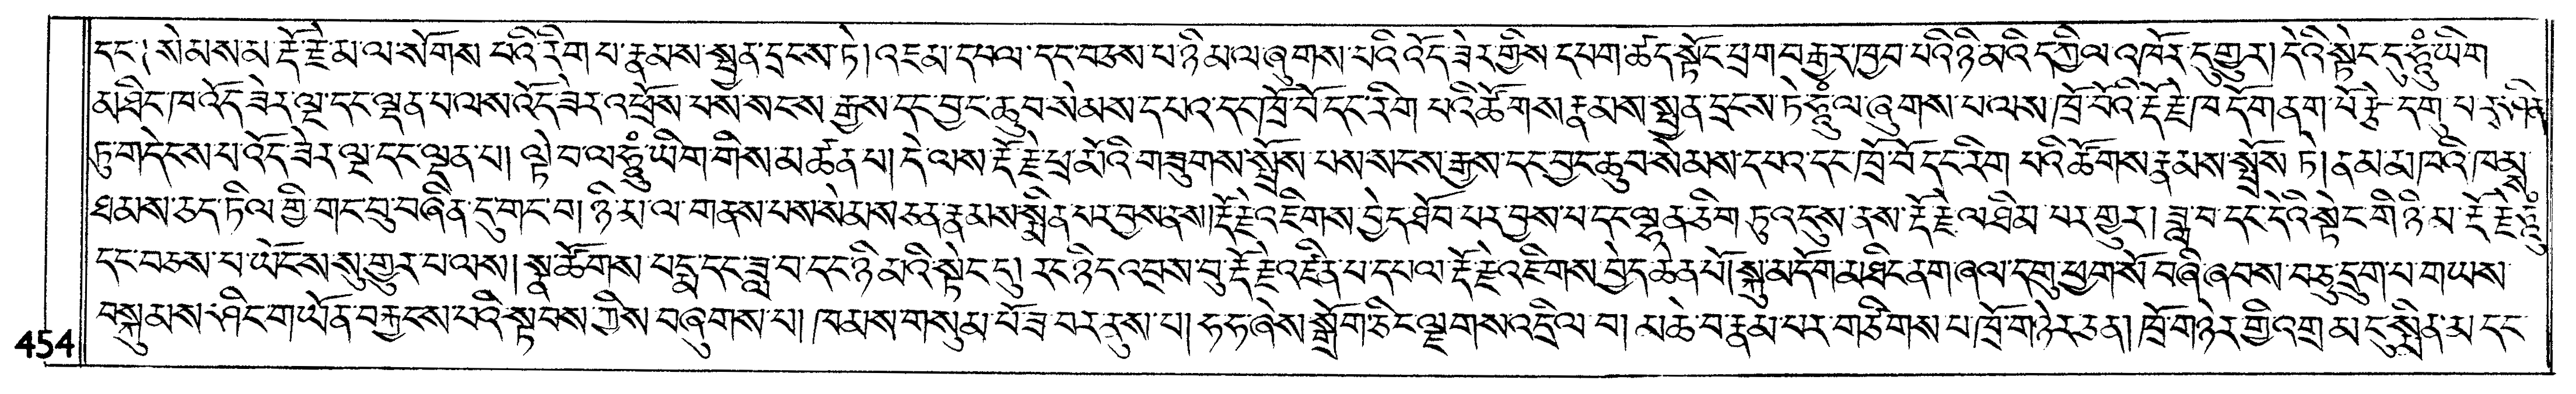དང༑ སེམས་མ་རྡོ་རྗེ་མ་ལ་སོགས་པའི་རིག་པ་རྣམས་སྤྱན་དྲངས་ཏེ། འཇམ་དཔལ་དང་བཅས་པ་ཉི་མ་ལ་ཞུགས་པའི་འོད་ཟེར་གྱིས་དཔག་ཚད་སྟོང་ཕྲག་བརྒྱར་ཁྱབ་པའི་ཉི་མའི་དཀྱིལ་འཁོར་དུ་གྱུར། དེའི་སྟེང་དུ་ཧཱུཾ་ཡིག་
མཐིང་ཁ་འོད་ཟེར་ལྔ་དང་ལྡན་པ་ལས་འོད་ཟེར་འཕྲོས་པས་སངས་རྒྱས་དང་བྱང་ཆུབ་སེམས་དཔའ་དང་ཁྲོ་བོ་དང་རིག་པའི་ཚོགས་རྣམས་སྤྱན་དྲངས་ཏེ་ཧཱུཾ་ལ་ཞུགས་པ་ལས་ཁྲོ་བོའི་རྡོ་རྗེ་ཁ་དོག་ནག་པོ་རྩེ་དགུ་པ་རྭ་ཤིན་
ཏུ་གདེངས་པ་འོད་ཟེར་ལྔ་དང་ལྡན་པ། ལྟེ་བ་ལ་ཧཱུཾ་ཡིག་གིས་མཚན་པ། དེ་ལས་རྡོ་རྗེ་ཕྲ་མོའི་གཟུགས་སྤྲོས་པས་སངས་རྒྱས་དང་བྱང་ཆུབ་སེམས་དཔའ་དང་ཁྲོ་བོ་དང་རིག་པའི་ཚོགས་རྣམས་སྤྲོས་ཏེ། ནམ་མཁའི་ཁམས་
ཐམས་ཅད་ཏིལ་གྱི་གང་བུ་བཞིན་དུ་གང་བ། ཉི་མ་ལ་གནས་པས་སེམས་ཅན་རྣམས་སྨིན་པར་བྱས་ནས། རྡོ་རྗེ་འཇིགས་བྱེད་ཐོབ་པར་བྱས་པ་དང་ལྷན་ཅིག་ཏུ་འདུས་ནས་རྡོ་རྗེ་ལ་ཐིམ་པར་གྱུར། ཟླ་བ་དང་དེའི་སྟེང་གི་ཉི་མ་རྡོ་རྗེ་ཧཱུཾ་
དང་བཅས་པ་ཡོངས་སུ་གྱུར་པ་ལས། སྣ་ཚོགས་པདམ་དང་ཟླ་བ་དང་ཉི་མའི་སྟེང་དུ། རང་ཉིད་འབྲས་བུ་རྡོ་རྗེ་འཛིན་པ་དཔལ་རྡོ་རྗེ་འཇིགས་བྱེད་ཆེན་པོ། སྐུ་མདོག་མཐིང་ནག་ཞལ་དགུ་ཕྱག་སོ་བཞི་ཞབས་བཅུ་དྲུག་པ་གཡས་
བསྐུམས་ཤིང་གཡོན་བརྐྱངས་པའི་སྟབས་ཀྱིས་བཞུགས་པ། ཁམས་གསུམ་པོ་ཟ་བར་ནུས་པ། ཧ་ཧ་ཞེས་སྒྲོག་ཅིང་ལྗགས་འདྲིལ་བ། མཆེ་བ་རྣམ་པར་གཙིགས་པ་ཁྲོ་གཉེར་ཅན། ཁྲོ་གཉེར་གྱི་འགྲམ་དུ་སྨིན་མ་དང་